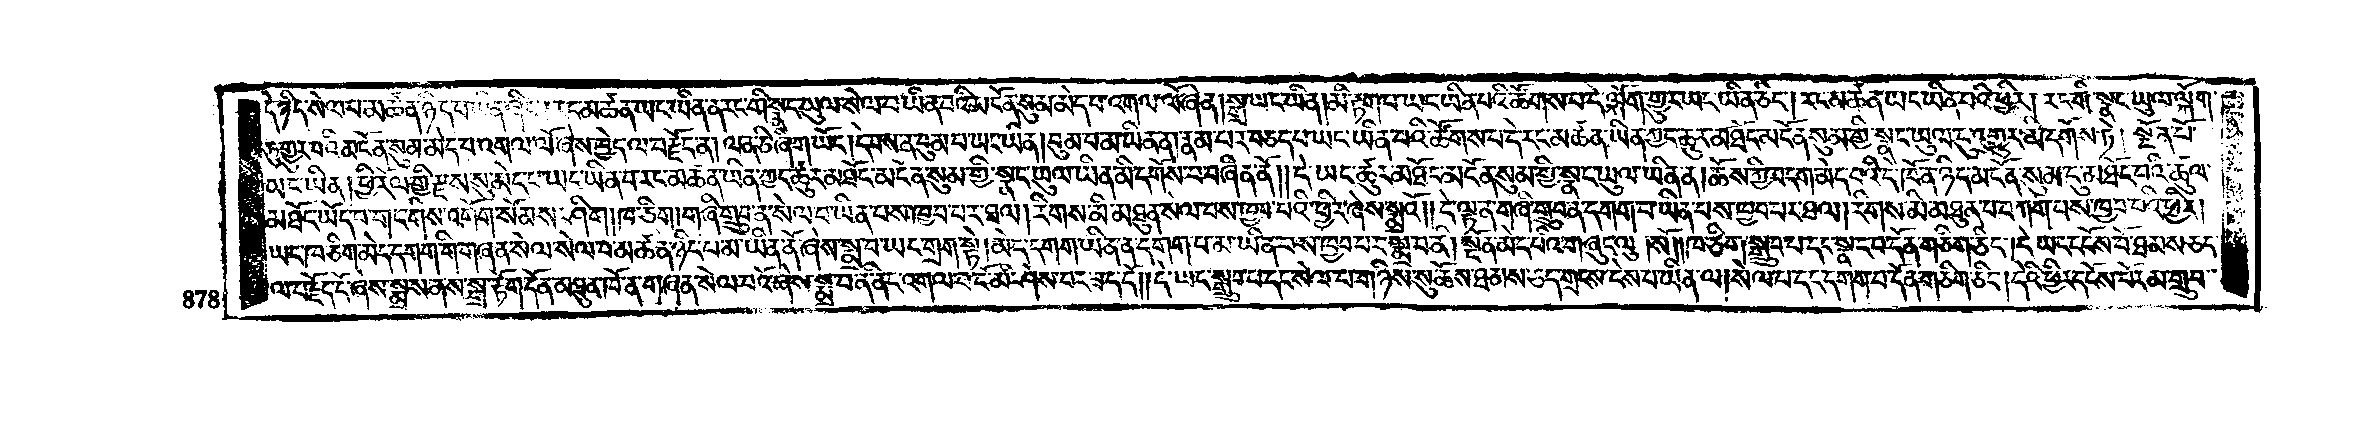དེ་ཉིད་སེལ་བ་མཚན་ཉིད་པ་ཡིན་ཞིང་། རང་མཚན་ཡང་ཡིན་ན་རང་གི་སྣང་ཡུལ་སེལ་བ་ཡིན་པའི་མངོན་སུམ་མེད་པ་འགལ་ལོ་ཞེ་ན། སྒྲ་ཡང་ཡིན། མི་རྟག་པ་ཡང་ཡིན་པའི་ཚོགས་པ་དེ་ལྐོག་གྱུར་ཡང་ཡིན་ཅིང་། རང་མཚན་ཡང་ཡིན་པའི་ཕྱིར། རང་གི་སྣང་ཡུལ་ལྐོག་
ཏུ་གྱུར་བའི་མངོན་སུམ་མེད་པ་འགལ་ལོ་ཞེས་ཁྱེད་ལ་བརྗོད་ན། ལན་ཅི་ཞིག་ཡོད། དེ་བས་ན་བུམ་པ་ཡང་ཡིན། བུམ་པ་མ་ཡིན་ན། རྣམ་པར་བཅད་པ་ཡང་ཡིན་པའི་ཚོགས་པ་དེ་རང་མཚན་ཡིན་ཀྱང་ཚུར་མཐོང་མངོན་སུམ་གྱི་སྣང་ཡུལ་དུ་འགྱུར་མི་དགོས་ཏེ། སྔོན་པོ་
ཡང་ཡིན། ཕྱི་རོལ་གྱི་རྫས་སུ་མེད་པ་ཡང་ཡིན་པ་རང་མཚན་ཡིན་ཀྱང་ཚུར་མཐོང་མངོན་སུམ་གྱི་སྣང་ཡུལ་ཡིན་མི་དགོས་པ་བཞིན་ནོ། །དེ་ཡང་ཚུར་མཐོང་མངོན་སུམ་གྱི་སྣང་ཡུལ་ཡིན་ན། ཆོས་ཀྱི་བདག་མེད་པའི་དེ་ཁོ་ན་ཉིད་མངོན་སུམ་དུ་མཐོང་བའི་ཚུལ་
མཐོང་ཡོད་པ་གང་གིས་འགོག་སོམས་ཤིག། ཁ་ཅིག། གཞི་གྲུབ་ན་སེལ་བ་ཡིན་པས་ཁྱབ་པར་ཐལ། རིགས་མི་མཐུན་སེལ་བས་ཁྱབ་པའི་ཕྱིར་ཞེས་སྨྲའོ། །དེ་ལྟ་ན་གཞི་གྲུབ་ན་དགག་པ་ཡིན་པས་ཁྱབ་པར་ཐལ། རིགས་མི་མཐུན་པ་བཀག་པས་ཁྱབ་པའི་ཕྱིར།
ཡང་ཁ་ཅིག་མེད་དགག་གི་གཞན་སེལ་སེལ་བ་མཚན་ཉིད་པ་མ་ཡིན་ནོ་ཞེས་སྨྲ་བ་ཡང་གྲག་སྟེ། མེད་དགག་ཡིན་ན་དགག་པ་མ་ཡིན་པས་ཁྱབ་པར་སྨྲ་བ་ནི། སྔོན་མེད་པའི་གཞུང་ལུགས་སོ། །ཁ་ཅིག་སྒྲུབ་པ་དང་སྣང་བ་དོན་གཅིག་ཅིང་། དེ་ཡང་དངོས་པོ་ཐམས་ཅད་
ལ་བརྗོད་དོ་ཞེས་སྨྲས་ནས་སྒྲ་རྟོག་དོན་མཐུན་ཁོ་ན་གཞན་སེལ་བའོ་ཞེས་སྨྲ་བ་ནི་ནང་འགལ་བ་ངོ་མི་ཤེས་པར་ཟད་དོ། །དེ་ཡང་སྒྲུབ་པ་དང་སེལ་བ་གཉིས་སུ་ཆོས་ཐམས་ཅད་གྲངས་ངེས་པ་ཡིན་ལ། སེལ་བ་དང་དགག་པ་དོན་གཅིག་ཅིང་། དེའི་ཕྱིར་དངོས་པོར་མ་གྲུབ་